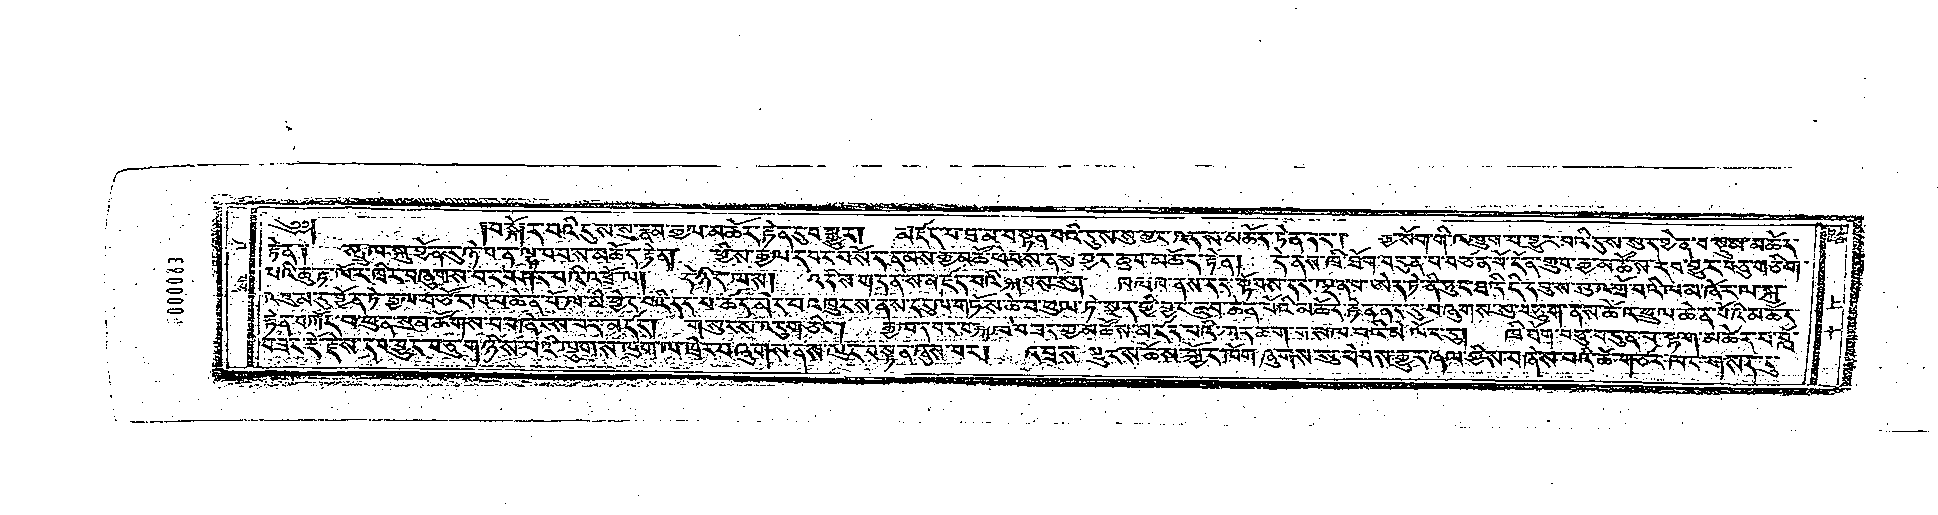༄༅། །བསྐོར་བའི་དུས་སུ་རྣམ་རྒྱལ་མཆོད་རྟེན་དུ་བསྒྱུར། མཛད་པ་ཐ་མ་བསྟན་པའི་དུས་སུ་མྱང་འདས་མཆོད་ཏེན་དང་། རྒྱ་སོགས་གི་འཁྲུག་པ་བྱུང་བའི་དུས་སུ་དབྱེན་བསྡུམ་མཆོད་
རྟེན༑ སྤྲུལ་སྐུ་བྱོན་དུ་ཉེ་པ་ན་ལྟ་བ་བས་མཆོད་རྟེན། ཕྱིས་རྒྱལ་དབང་བསོད་ནམས་རྒྱ་མཚོ་ཕེབས་ནས་བྱང་ཆུབ་མཆོད་རྟེན། དེ་ནས་ཁྲི་ཐོག་བདུན་པ་བ་ཙན་པོ་དོན་གྲུབ་རྒྱ་མ་ཆོས་རབ་བྱུང་བཅུ་གཅིག་
པའི་ཆུ་རྟ་ལོར་ཁྲིར་བཞུགས་པར་བཤད་བའི་འཕྲོ་ལ། དེ་ཉིད་ལས། འདིས་གདན་ས་མཛད་པའི་སྐབས་སུ། ཁལ་ཁ་ནས་དད་སྟོབས་དང་ལྡན་པ་ཨེར་ཏེ་ནི་ཏུང་ཐའི་དི་དབུས་སུ་འགྲོ་བའི་ལམ་ཞོར་ལ་སྐུ་
འབུམ་དུ་བྱོན་ཏེ་རྒྱལ་བ་ཙོང་ཁ་པ་ཆེན་པོ་ལ་མི་ཕྱེར་པའི་དད་པ་ཚད་མེད་པ་འཁྲུངས་ནས་དངུལ་གཏོགས་ཆེ་བ་ཕུལ་ཏེ་སྔར་གྱི་བྱང་ཆུབ་ཆེན་པོའི་མཆོད་རྟེན་ནང་དུ་བཞུགས་སུ་བཅུག་ནས་ཚེ་འཕྲུལ་ཆེན་པོའི་མཆོད་
རྟེན་བཀོད་པ་ཕུན་སུམ་ཚོགས་བ་བཞེངས་པར་མཛད། གསུངས་འདུག་ཅིང་། རྒྱལ་དབང་བསྐལ་བཟང་རྒྱ་མཆོས་མཛེས་པའི་ཀར་ཆག་གསལ་བའི་མེ་ལོང་དུ། ཁྲི་ཐོག་བཅུ་བདུན་པ་སྟག་མཚེར་བ་བློ་
བཟང་རྡོ་རྗེས་རབ་བྱུང་བཅུ་གཉིས་པའི་ལྕགས་ལུག་ལ་ཁྲིར་བཞུགས་ནས་ལུང་བསྟན་ཞུས་པར། འབྲས་སྤུངས་ཆོས་སྐྱོང་ཁོག་ཞུགས་སུ་ཕེབས་རྒྱུར་ཞལ་གྱིས་བཞེས་པའི་ཚེ་གཙང་ཁང་གསར་དུ་